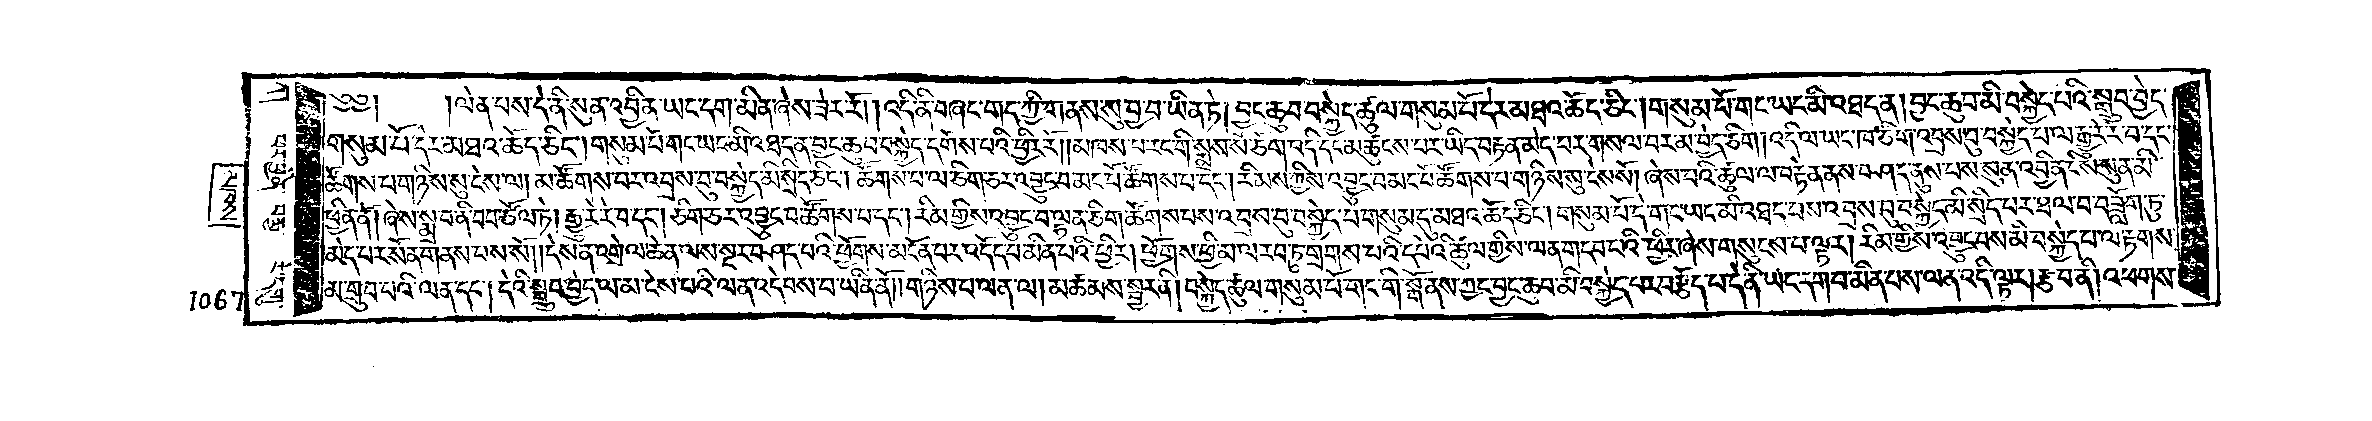༄༅། །ལེན་པས་དེ་ནི་སུན་འབྱིན་ཡང་དག་མིན་ཞེས་ཟེར་རོ། །འདི་ནི་བཞང་གད་ཀྱི་གནས་སུ་བྱ་བ་ཡིན་ཏེ། བྱང་ཆུབ་བསྐྱེད་ཚུལ་གསུམ་པོ་དེར་མཐའ་ཆོད་ཅིང་། གསུམ་པོ་གང་ཡང་མི་འཐད་ན། བྱང་ཆུབ་མི་བསྐྱེད་པའི་སྒྲུབ་བྱེད་
གསུམ་པོ་དེར་མཐའ་ཆོད་ཅིང་། གསུམ་པོ་གང་ཡང་མི་འཐད་ན་བྱང་ཆུབ་བསྐྱེད་དགོས་པའི་ཕྱིར་རོ། །མཁས་པ་རང་གི་སྨྲས་སོ་ཅོག་འདི་དང་མཚུངས་པར་ཡིད་བརྟན་མེད་པར་གསལ་བར་མ་བྱེད་ཅིག །འདི་ལ་ཡང་ཁ་ཅིག་འབྲས་བུ་བསྐྱེད་པ་ལ་རྒྱུ་རེ་རེ་བ་དང་
ཚོགས་པ་གཉིས་སུ་ངེས་ལ། མ་ཚོགས་པར་འབྲས་བུ་བསྐྱེད་མི་སྲིད་ཅིང་། ཚོགས་པ་ལ་ཅིག་ཅར་འབྱུང་བ་མང་པོ་ཚོགས་པ་དང་། རིམས་ཀྱིས་འབྱུང་བ་མང་པོ་ཚོགས་པ་གཉིས་སུ་ངེས་སོ། ཞེས་པའི་ཚུལ་ལ་བརྟེན་ནས་བཤད་ནུས་པས་སུན་འབྱིན་ངེས་སུན་མི་
ཕྱིན་ནོ། ཞེས་སྨྲ་བ་ནི་བབ་ཙོལ་ཏེ། རྒྱུ་རེ་རེ་བ་དང་། ཅིག་ཅར་འབྱུང་བ་ཚོགས་པ་དང་། རིམ་གྱིས་འབྱུང་བ་ལྷན་ཅིག་ཚོགས་པས་འབྲས་བུ་བསྐྱེད་པ་གསུམ་དུ་མཐའ་ཆོད་ཅིང་། གསུམ་པོ་དེ་གང་ཡང་མི་འཐད་པས་འབྲས་བུ་བསྐྱེད་མི་སྲིད་པར་ཐལ་བ་བཟློག་ཏུ་
མེད་པར་སོན་གནས་པས་སོ། །དེས་ན་འགྲེལ་ཆེན་ལས་སྔར་བཤད་པའི་ཕྱོགས་མངོན་པར་འདོད་པ་མིན་པའི་ཕྱིར། ཕྱོགས་ཕྱི་མ་ལ་རབ་ཏུ་གྲགས་པའི་དཔེའི་ཚུལ་གྱིས་ལན་གདབ་པའི་ཕྱིར་ཞེས་གསུངས་པ་ལྟར། རིམ་གྱིས་འབྱུང་བས་མི་བསྐྱེད་པ་ལ་རྟགས་
མ་གྲུབ་པའི་ལན་དང་། དེའི་སྒྲུབ་བྱེད་ལ་མ་ངེས་པའི་ལན་འདེབས་པ་ཡིན་ནོ། །གཉིས་པ་ལན་ལ། མཚམས་སྦྱར་ནི། བསྐྱེད་ཚུལ་གསུམ་པོ་གང་གི་སྒོ་ནས་ཀྱང་བྱང་ཆུབ་མི་བསྐྱེད་པར་བརྩོད་པ་དེ་ནི་ཡང་དག་པ་མིན་པས་ལན་འདི་ལྟར། རྩ་བ་ནི། འཕགས་